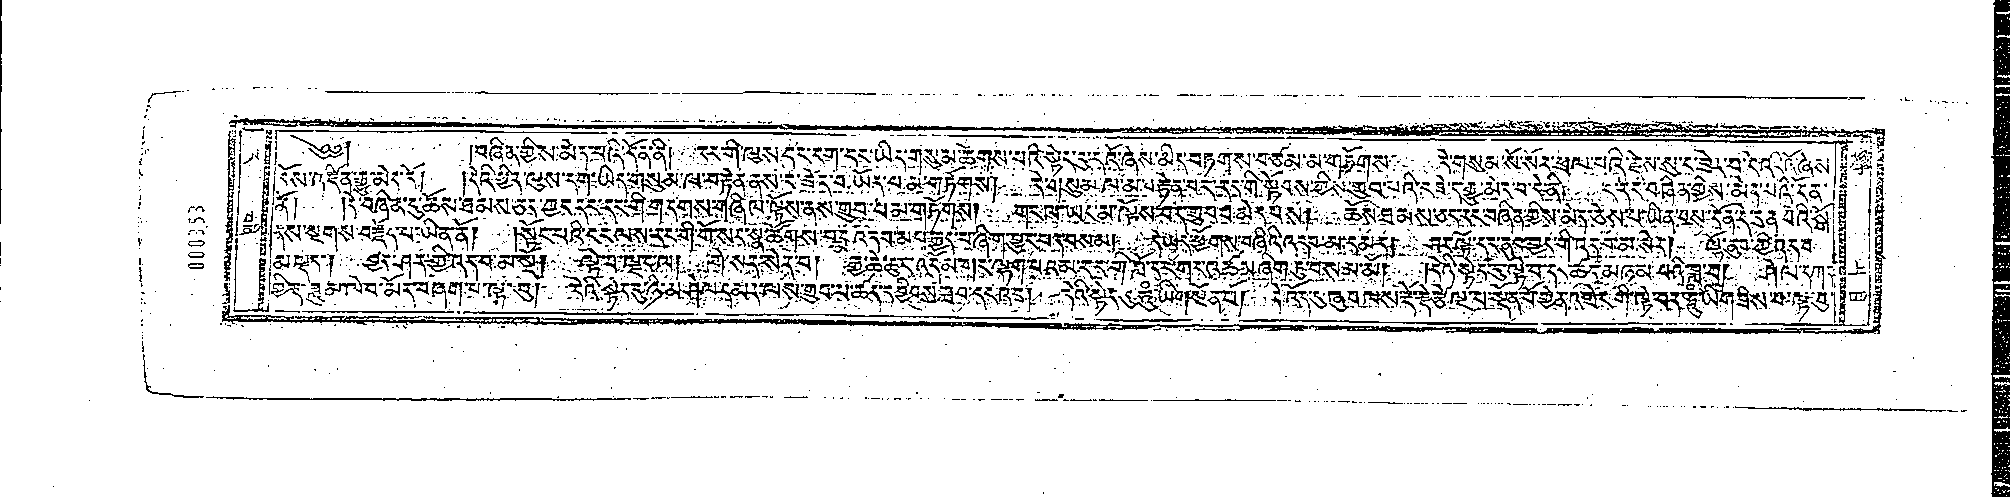༄༅། །བཞིན་གྱིས་མེད་པའི་དོན་ནི། རང་གི་ལུས་དང་ངག་དང་ཡིད་གསུམ་ཚོགས་པའི་སྟེང་དུ་ངའོ་ཞེས་མིང་བཏགས་པ་ཙམ་མ་གཏོགས། དེ་གསུམ་སོ་སོར་ཕྲལ་པའི་རྗེས་སུ་ང་ཟེར་བ་དེ་འདིའོ་ཞེས་
ངོས་འཛིན་རྒྱུ་མེད་དོ། །དེའི་ཕྱིར་ལུས་དག་ཡིད་གསུམ་ལ་བརྟེན་ནས་ང་ཟེར་བ་ཡོད་པ་མ་གཏོགས། དེ་གསུམ་ལ་མ་བརྟེན་པར་རང་གི་སྟོབས་ཀྱིས་གྲུབ་པའི་ང་ཟེར་རྒྱུ་མེད་བ་དེ་ནི། ང་རང་བཞིན་གྱིས་མེད་པའི་དོན་
ནོ། །དེ་བཞིན་དུ་ཆོས་ཐམས་ཅད་ཀྱང་རང་རང་གི་གདགས་གཞི་ལ་ལྟོས་ནས་གྲུབ་པ་མ་གཏོགས། གང་ལ་ཡང་མ་ལྟོས་བར་གྲུབ་བ་མེད་པས། ཆོས་ཐམས་ཅད་རང་བཞིན་གྱིས་མེད་ཅེས་པ་ཡིན་བས་དོན་དེ་དྲན་པའི་སྒོ་
ནས་སྔགས་བརྗོད་པ་ཡིན་ནོ། །སྟོང་པའི་ངང་ལས་རང་གི་གོ་སར་སྣ་ཚོགས་པདམ་འདབ་མ་བརྒྱད་པ་ཞིག་བྱུང་བར་བསམ། དེ་ཡང་ཕྱོགས་བཞིའི་འདབ་མ་དམར། ཤར་ལྷོ་དང་ནུབ་བྱང་གི་འདབ་མ་སེར། ལྷོ་ནུབ་ཀྱི་འདབ་
མ་ལྗང་། བྱང་ཤར་གྱི་འདབ་མ་སྔོ། ལྟེ་བ་ལྗང་ལ། གེ་སར་སེར་བ། རྒྱ་ཆེ་ཆུང་འདོམ་གང་ལྷག་པ་འམ་རང་གི་བློ་དང་གང་འཚམ་ཞིག་ཏུ་བསམ་མོ། །དེའི་སྟེང་དུ་ལྟེ་བ་དང་ཚད་མཉམ་པའི་ཟླ་བ། ཤེལ་དཀར་
གྱི་རྔ་ཟླུམ་ལེབ་མོར་བཞག་པ་ལྟ་བུ། དེའི་སྟེང་དུ་ཉི་མ་ཤེལ་དམར་ལས་གྲུབ་པ་ཚད་དབྱིབས་ཟླ་བ་དང་འདྲ། དེའི་སྟེང་དུ་ཧཱུཾ་ཡིག་སྔོན་པོ། དེ་འོད་དུ་ཞུ་བ་ལས་རྡོ་རྗེ་རྩེ་ལྔ་པ་སྔོན་པོ་གྱེན་འགྲེང་གི་ལྟེ་བར་ཧཱུཾ་ཡིག་བྲིས་པ་ལྟ་བུ་